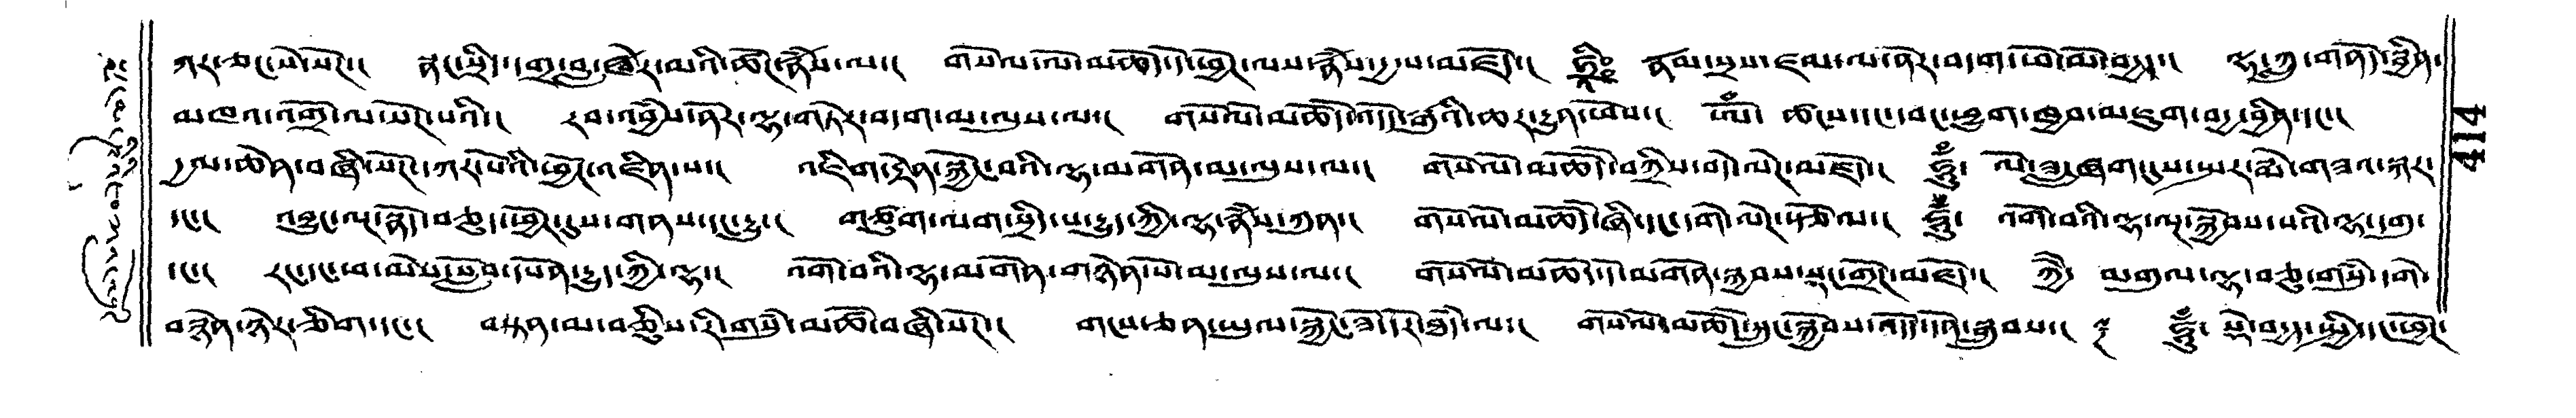དཀར་ཅང་ཤེས་སོགས། །སྣང་སྲིད་དགྲ་བླ་ཝེར་མའི་ཚོགས་རྣམས་ལ། །གསོལ་ལོ་མཆོད་དོ་ཕྱོགས་ལས་རྣམ་རྒྱལ་མཛོད། ཧྲཱིཿ རྣམ་སྲས་ཛམ་ལ་ནོར་བདག་ཕོ་མོ་བརྒྱད། །ལྷ་ཀླུ་བནོད་སྦྱིན་
མཁའ་འགྲོ་ལ་སོགས་པའི། །རབ་འབྱམས་ནོར་ལྷ་གཏེར་བདག་མ་ལུས་ལ། །གསོལ་ལོ་མཆོད་དོ་འདོད་རྒུའི་ཆར་རྒྱུན་ཕོབ། ཨོཾ། ཚངས་དང་དབང་ཕྱུག་ཁྱབ་འཇུག་བརྒྱ་བྱིན་དང། །
རྒྱལ་ཆེན་བཞི་སོགས་དཀར་པོའི་ཕྱོགས་འཛིན་པ། །འཇིག་རྟེན་སྐྱོང་བའི་ལྷ་མགོན་མ་ལུས་ལ། །གསོལ་ལོ་མཆོད་དོ་བཀྲ་ཤིས་བདེ་ལེགས་མཛོད། ཧཱུྃ། ལོ་ཟླ་ཞག་དུས་སྤར་སྨེ་གཟའ་སྐར་
དང། །འབྱུང་ལྔ་སྣོད་བཅུད་ཕྱོགས་དུས་གནས་དང་རྒྱུ། །བཙུག་ལག་སྲིད་པ་རྒྱུད་ཀྱི་ལྷ་རྣམས་ཀུན། །གསོལ་ལོ་མཆོད་དོ་ཞི་དང་དགེ་ལེགས་སྩོལ། ཧཱུྃ། འགོ་བའི་ལྷ་ལྔ་སྐྱོབ་པའི་ལྷ་དགུ་
དང། །རང་དང་ཕ་མེས་སློབ་དཔོན་རྒྱུད་ཀྱི་ལྷ། །འགོ་བའི་ལྷ་མགོན་གཉེན་པོ་མ་ལུས་ལ། །གསོལ་ལོ་མཆོད་དོ་མགོན་སྐྱབས་སྡོང་གྲོགས་མཛོད།ཀྱཻ། མགུལ་ལྷ་བཅུ་གསུམ་དགེ་
བསྙེན་ཉེར་གཅིག་དང་། །བརྟན་མ་བཅུ་གཉིས་རི་གསུམ་མཚོ་བཞི་སོགས། །གངས་ཅན་ཡུལ་སྐྱོང་ཟོ་དོར་ཐམས་ཅད་ལ། །གསོལ་ལོ་མཆོད་དོ་སྲུངས་སྐྱོབས་འདོད་དོན་སྒྲུབས། ༈ ཧཱུྃ། སྡེད་བརྒྱད་སྤྱི་དང་ཕྱོགས་